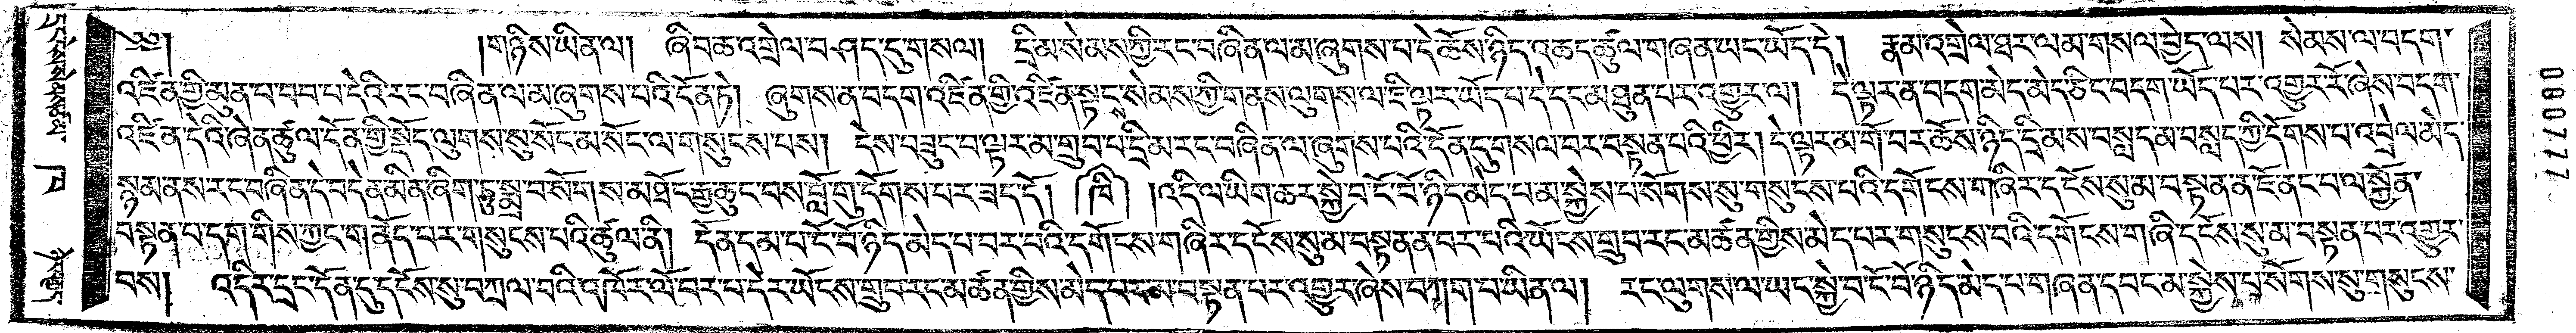༄༅། །གཉིས་ཡིན་ལ། ཞིབ་ཆ་འགྲེལ་བཤད་དུ་གསལ། དྲི་མ་སེམས་ཀྱི་རང་བཞིན་ལ་མ་ཞུགས་པ་དེ་ཆོས་ཉིད་འཆད་ཚུལ་གཞན་ཡང་ཡོད་དེ། རྣམ་འགྲེལ་ཐར་ལམ་གསལ་བྱེད་ལས། སེམས་ལ་བདག་
འཛིན་གྱི་མུན་པ་བབ་པ་དེའི་རང་བཞིན་ལ་མ་ཞུགས་པའི་དོན་ཏེ། ཞུགས་ན་བདག་འཛིན་གྱི་འཛིན་སྟངས་སེམས་ཀྱི་གནས་ལུགས་ལ་ཇི་ལྟར་ཡོད་པ་དེ་དང་མཐུན་པར་འགྱུར་ལ། དེ་ལྟར་ན་བདག་མེད་མེད་ཅིང་བདག་ཡོད་པར་འགྱུར་རོ་ཞེས་བདག་
འཛིན་དེའི་ཞེན་ཚུལ་དོན་གྱི་སྡོད་ལུགས་སུ་སོང་མ་སོང་ལ་གསུངས་པས། དེས་བཟུང་བ་ལྟར་མ་གྲུབ་པ་དྲི་མ་རང་བཞིན་ལ་ཞུགས་པའི་དོན་དུ་གསལ་བར་བསྟན་པའི་ཕྱིར། དེ་ལྟར་མ་གོ་བར་ཆོས་ཉིད་དྲི་མས་བསླད་མ་བསླད་ཀྱི་དོགས་པ་འབྲེལ་མེད་
སྙམ་ནས་རང་བཞིན་དེ་བདེན་མིན་ཞིག་ཏུ་སྨྲ་བ་སོགས་མཐོང་རྒྱ་ཆུང་བས་བློ་གུ་དོགས་པར་ཟད་དོ། ༼ཁི༽ །འདི་ལ་ཡིག་ཆར་སྐྱེ་བ་ངོ་བོ་ཉིད་མེད་པ་མ་སྐྱེས་པ་སོགས་སུ་གསུངས་པའི་དགོངས་གཞིར་དངོས་སུ་མ་བསྟན་ན་ཇོ་ནང་པ་ལ་སྐྱོན་
བསྟན་པ་དག་གིས་ཀྱང་གནོད་པར་གསུངས་པའི་ཚུལ་ནི། དོན་དམ་པ་ངོ་བོ་ཉིད་མེད་པ་བར་པའི་དགོངས་གཞིར་དངོས་སུ་མ་བསྟན་ན་བར་པའི་ཡོངས་གྲུབ་རང་མཚན་གྱིས་མེད་པར་གསུངས་པའི་དགོངས་གཞི་དངོས་སུ་མ་བསྟན་པར་འགྱུར་
བས། འདིར་དྲང་དོན་དུ་དངོས་སུ་བཀྲལ་བའི་འཁོར་ལོ་བར་པ་དེར་ཡོངས་གྲུབ་རང་མཚན་གྱིས་མེད་པར་མ་བསྟན་པར་འགྱུར་ཞེས་བཀག་པ་ཡིན་ལ། རང་ལུགས་ལ་ཡང་སྐྱེ་བ་ངོ་བོ་ཉིད་མེད་པ་གཞན་དབང་མ་སྐྱེས་པ་སོགས་སུ་གསུངས་